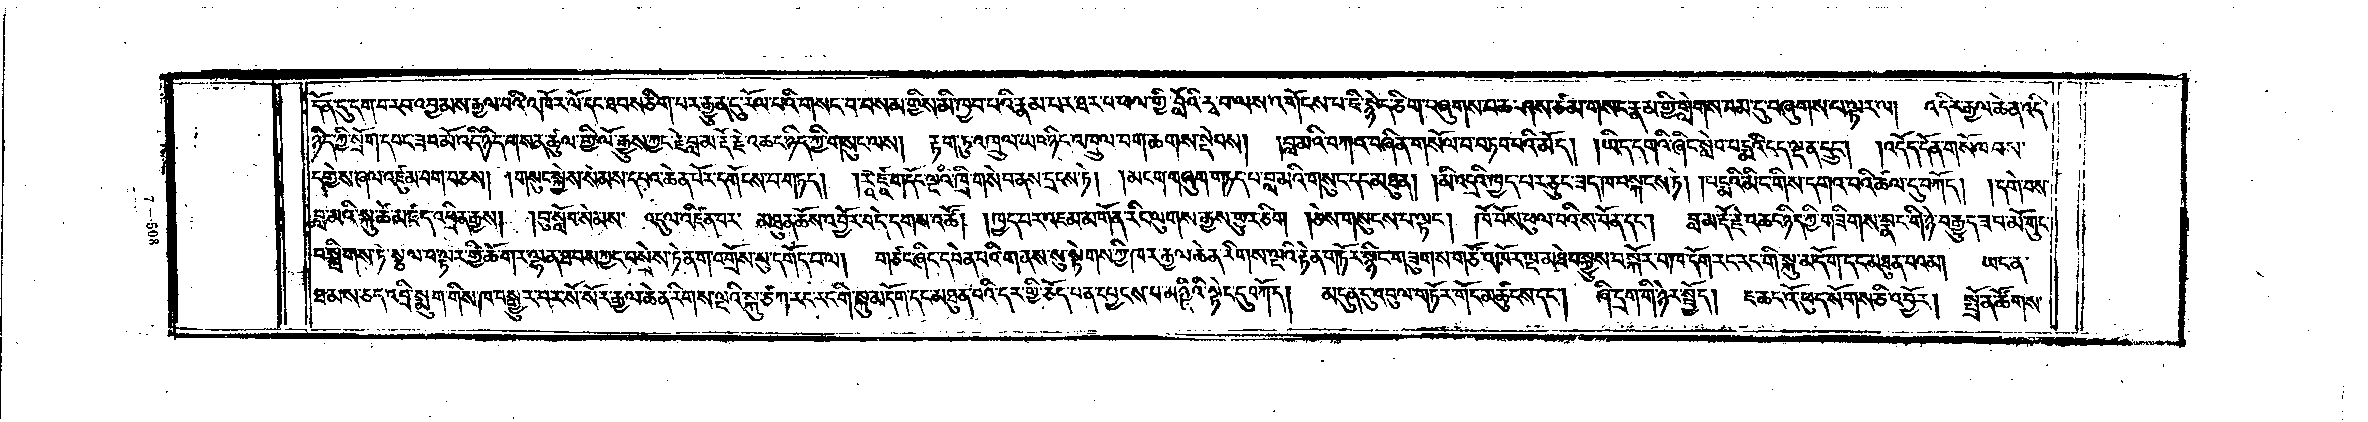དོན་དུ་དག་པ་རབ་འབྱམས་རྒྱལ་བའི་འཁོར་ལོ་དང་ཐབས་ཅིག་པར་རྒྱུན་དུ་རོལ་པའི་གསང་བ་བསམ་གྱིས་མི་ཁྱབ་པའི་རྣམ་པར་ཐར་པ་ཕལ་གྱི་བློའི་རྭ་བ་ལས་འགོངས་པ་ཇི་སྙེད་ཅིག་བཞུགས་པ་ཆ་ཤས་ཙམ་གསང་རྣམ་གྱི་གླེགས་བམ་དུ་བཞུགས་པ་ལྟར་ལ། འདིར་རྒྱལ་ཆེན་འདི་
ཉིད་ཀྱི་སྲོག་དབང་ཟབ་མོ་འདི་ཉིད་གསན་ཚུལ་གྱི་ལོ་རྒྱུས་ཀྱང་རྗེ་བླ་མ་རྡོ་རྗེ་འཆང་ཉིད་ཀྱི་གསུང་ལས། རྟག་ཏུ་འཁྲུལ་ཡང་ཉིད་འཁྲུལ་བག་ཆགས་སྡེབས། །བླ་མའི་བཀའ་བཞིན་གསོལ་བ་བཏབ་པའི་མོད། །ཡིད་དགའི་ཞིང་སླེབ་པདམའི་ངད་ལྡན་དྲུང་། །འདོད་དོན་གསོལ་བས་
དགྱེས་ཞལ་འཛུམ་བག་བཅས། །གསུང་སྐྱེས་སེམས་དཔའ་ཆེན་པོར་དགོངས་པ་གཏད། །རཱ་ངཱ་གདོང་ལྔའི་ཁྲི་གསེབ་ནས་དྲངས་ཏེ། །མངག་གཞུག་གཏད་བ་བླ་མའི་གསུང་དང་མཐུན། །མི་འདྲའི་ཁྱད་པར་ཅུང་ཟད་ཁ་བསྐངས་ཏེ། །པདམའི་མིང་གིས་དགའ་བའི་ཚལ་དུ་བཀོད། །དགེ་བས་
བླ་མའི་སྐུ་ཚེ་མཛད་འཕྲིན་རྒྱས། །བུ་སློབ་སེམས་འདུལ་འཛིན་པར་མཐུན་ཆོས་འབྱོར་བ་དེ་དགས་འཚོ། །ཁྱད་པར་འཇམ་མགོན་རིང་ལུགས་རྒྱས་གྱུར་ཅིག །ཅེས་གསུངས་པ་ལྟར། ཁོ་བོས་ཕུལ་བའི་ས་བོན་དང་། བླ་མ་རྡོ་རྗེ་འཆང་ཉིད་ཀྱི་གཟིགས་སྣང་གི་ཉེ་བརྒྱུད་ཟབ་མོ་གུང་
བསྒྲིགས་ཏེ་སྩལ་བལྟར་གྱི་ཆོ་གར་ལྷན་ཐབས་ཀྱང་བསྲེས་ཏེ་ནག་འགྲོས་སུ་དགོད་པ་ལ། གཙང་ཞིང་དབེན་པའི་གནས་སུ་སྟེགས་ཀྱི་ཁར་རྒྱལ་ཆེན་རིགས་ལྔའི་རྟེན་གཏོར་སྙིང་གཟུགས་གཙོ་འཁོར་ལྔ་མཐེབ་སྐྱུས་བསྐོར་བ་ཁ་དོག་རང་རང་གི་སྐུ་མདོག་དང་མཐུན་པའམ། ཡང་ན་
ཐམས་ཅད་འབྲི་སྨུག་གིས་ཁ་བསྒྱུར་བར་སོ་སོར་རྒྱལ་ཆེན་རིགས་ལྔའི་སྐུ་ཙཀ་རང་རང་གི་སྐུ་མདོག་དང་མཐུན་པའི་དར་གྱི་ཅོད་པན་དབྱངས་པ་མཉྫིའི་སྟེང་དུ་བཀོད། མདུན་དུ་འབུལ་གཏོར་གོང་མཚུངས་དང་། ཞི་དྲག་གི་ཉེར་སྤྱོད། ཇ་ཆང་འོ་ཕུད་སོགས་ཅི་འབྱོར། སྤྲོ་ནི་ཏོགས་